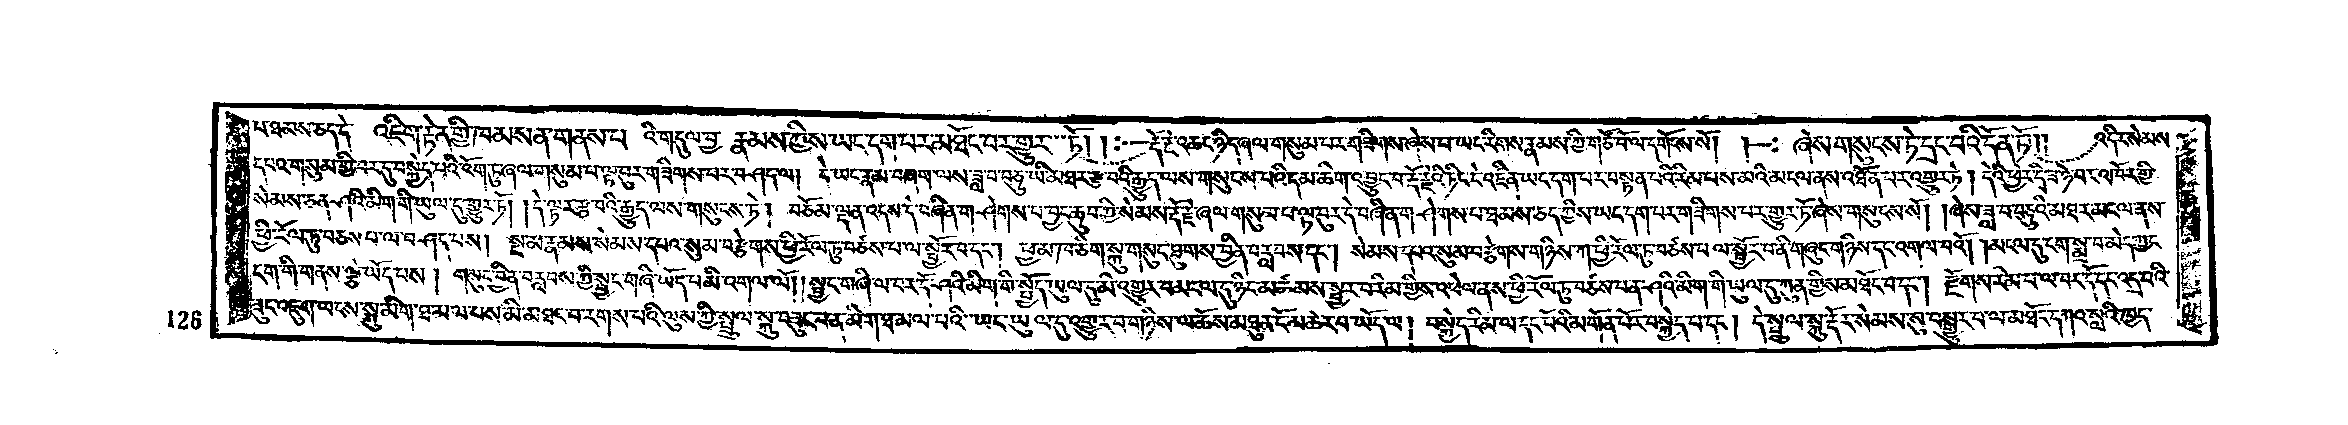པ་ཐམས་ཅད་དེ་འཇིག་རྟེན་གྱི་ཁམས་ན་གནས་པའི་གདུལ་བྱ་རྣམས་ཀྱིས་ཡང་དག་པར་མཐོང་བར་གྱུར་ཏོ། ། རྡོ་རྗེ་འཆང་ཉིད་ཞལ་གསུམ་པར་གཟིགས་ཞེས་པ་ཡང་རིགས་རྣམས་ཀྱི་གཙོ་བོ་ལ་དགོངས་སོ། ། ཞེས་གསུངས་ཏེ་དྲང་བའི་དོན་ཏོ། །འདིར་སེམས་
དཔའ་གསུམ་གྱི་བར་དུ་བསྐྱེད་པའི་འོག་ཏུ་ཞལ་གསུམ་པ་ལྟ་བུར་གཟིགས་པར་བཤད་ལ། དེ་ཡང་རྣམ་བཞག་ལས་ཟླ་བ་བཅུ་ཡི་མཐར་རྩ་བའི་རྒྱུད་ལས་གསུངས་པའི་དམ་ཚིག་འབྱུང་བ་རྡོ་རྗེའི་ཏིང་ངེ་འཛིན་ཡང་དག་པར་བསྟན་པའི་རིམ་པས་མའི་མངལ་ནས་འཐོན་པར་འགྱུར་ཏེ། དེའི་ཕྱིར་དྲི་ཟ་ཉེ་བར་འཁོར་གྱི་
སེམས་ཅན་ཤའི་མིག་གི་ཡུལ་དུ་གྱུར་ཏོ། །དེ་ལྟར་རྩ་བའི་རྒྱུད་ལས་གསུངས་ཏེ། བཅོམ་ལྡན་འདས་དེ་བཞིན་གཤེགས་པ་བྱང་ཆུབ་ཀྱི་སེམས་རྡོ་རྗེ་ཞལ་གསུམ་པ་ལྟ་བུར་དེ་བཞིན་གཤེགས་པ་ཐམས་ཅད་ཀྱིས་ཡང་དག་པར་གཟིགས་པར་གྱུར་ཏོ་ཞེས་གསུངས་སོ། །ཞེས་ཟླ་བ་བཅུའི་མཐར་མངལ་ནས་
ཕྱི་རོལ་ཏུ་བཅས་པ་ལ་བཤད་པས། སྔ་མ་རྣམས་སེམས་དཔའ་སུམ་བརྩེགས་ཕྱི་རོལ་ཏུ་བཙས་པ་ལ་སྦྱོར་བ་དང་། ཕྱི་མ་ཁ་ཅིག་སྐུ་གསུང་ཐུགས་བྱིན་བརླབས་དང་། སེམས་དཔའ་སུམ་བརྩེགས་གཉིས་ཀ་ཕྱི་རོལ་ཏུ་བཙས་པ་ལ་སྦྱོར་བ་ནི་གཞུང་གཉིས་དང་འགལ་པའོ། །མངལ་དུ་ངག་སྨྲ་བ་མེད་ཀྱང་
ངག་གི་གནས་ལྕེ་ཡོད་པས། གསུང་བྱིན་བརླབས་ཀྱི་སྦྱང་གཞི་ཡོད་པ་མི་འགལ་ལོ། །སྦྱང་གཞི་ལ་བར་དོ་ཤའི་མིག་གི་སྤྱོད་ཡུལ་དུ་མི་འགྱུར་བ་མངལ་དུ་ཉིང་མཚམས་སྦྱར་བ་རིམ་གྱིས་འཕེལ་ནས་ཕྱི་རོལ་ཏུ་བཙས་པ་ན་ཤའི་མིག་གི་ཡུལ་དུ་ཀུན་གྱིས་མཐོང་བ་དང་། རྫོགས་རིམ་པ་ལ་བར་དོ་དང་འདྲ་བའི་
ཟུང་འཇུག་ལོངས་སྐུ་མིག་ཐ་མལ་པས་མི་མཐོང་བ་རགས་པའི་ལུས་ཀྱི་སྤྲུལ་སྐུ་བཟུང་བ་ན་མིག་ཐ་མལ་པའི་ཡང་ཡུལ་དུ་འགྱུར་བ་གཉིས་ལ་ཆོས་མཐུན་ངོ་མཚར་བ་ཡོད་ལ། བསྐྱེད་རིམ་ལ་དང་པོའི་མགོན་པོར་བསྐྱེད་པ་དང་། དེ་སྤྲུལ་སྐུ་རྡོར་སེམས་སུ་བསྒྱུར་བ་ལ་མཐོང་དཀའ་སླའི་ཁྱད་